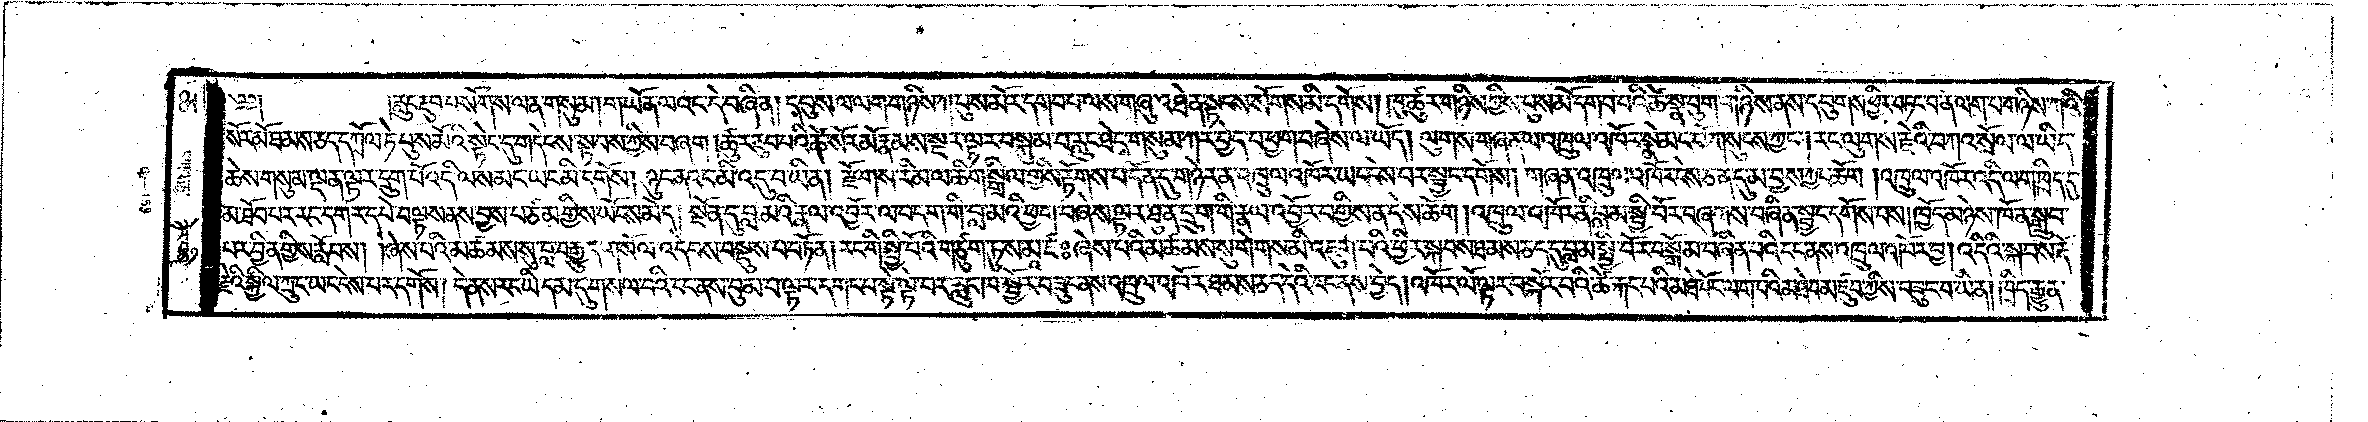༄༅། །རླུང་རྡུབ་པ་སོགས་ལན་གསུམ། གཡོན་ལའང་དེ་བཞིན། དབུས་ལ་ལག་གཉིས་ཀ་བུས་མོར་དགབ་པ་ལས་གཞུ་འཐེན་སྟངས་སོགས་མི་དགོས། ཁུ་ཚུར་གཉིས་ཀྱིས་པུས་མོ་དགབ་པའི་ཚེ་སྣ་བུག་གཉིས་ནས་དབུགས་ཕྱིར་བཏང་བ་ན་ལག་པ་གཉིས་ཀའི་
སོར་མོ་ཐམས་ཅད་དཀྲོལ་ཏེ་པུས་མོའི་སྟེང་དུ་གདེངས་སྟབས་ཀྱིས་བཞག །ཚུར་རྡུབ་བའི་ཚེ་སོར་མོ་རྣམས་སྔར་ལྟར་བསྐུམ་བ་རླུང་ཐེངས་གསུམ་ཀར་བྱེད་པ་ཕྱག་བཞེས་ལ་ཡོད། ལུགས་གཞན་ལ་འཁྲུལ་འཁོར་སྣེ་མང་བོ་གསུངས་ཀྱང་། རང་ལུགས་རྗེའི་བཀའ་སྲོལ་ལ་ཡིད་
ཆེས་གསུམ་ལྡན་ལྟར་དྲུག་པོ་འདི་ལས་མང་ཡང་མི་དགོས། ཉུང་ནའང་མི་འདུ་བ་ཡིན། རྫོགས་རིམ་ལ་ཆིག་སྒྲིལ་གྱིས་རྟོགས་པ་དོན་དུ་གཉེར་ན་འཁྲུལ་འཁོར་ཡང་ངེས་པར་སྦྱང་དགོས། གཞན་འཁྲུལ་འཁོར་ངེས་ཅན་དུ་མ་བྱས་ཀྱང་ཆོག །འཁྲུལ་འཁོར་འདི་ལག་ཁྲིད་དུ་
མ་ཐོབ་པར་རང་དགར་དཔེ་བལྟས་ནས་བྱས་པ་ཙམ་གྱིས་ཡོངས་མེད། སྔོན་དུ་བླ་མའི་རྣལ་འབྱོར་ལ་བདག་གི་བླ་མའི་ཕྱག་བཞེས་ལྟར་ཐུན་དྲུག་གི་རྣལ་འབྱོར་བགྱིས་ན་དེས་ཆོག །འཁྲུལ་འཁོར་ནི་བླ་མ་སྤྱི་བོར་བཞུགས་བཞིན་སྦྱང་དགོས་བས། ཁྱོད་མཉེས་ཁོན་སྒྲུབ་
པར་བྱིན་གྱིས་རློབས། །ཞེས་པའི་མཚམས་སུ་བླ་བརྒྱུད་གསོལ་འདེབས་བསྡུས་བ་བཏོན། རང་གི་སྤྱི་བོའི་གཙུག་ཏུ་ས་མཱ་ཛཿཞེས་པའི་མཚམས་སུ་གེགས་མི་འཇུག་པའི་ཕྱིར་སྐབས་ཐམས་ཅད་དུ་བླ་མ་སྤྱི་བོར་བསྒོམ་བཞིན་པའི་ངང་ནས་འཁྲུལ་འཁོར་བྱ། འདིའི་སྐབས་རྡོ་
རྗེའི་སྐྱིལ་ཀྲུང་ཡང་ངེས་པར་དགོས། དེ་ནས་རང་ཡི་དམ་དུ་གསལ་བའི་ངང་ནས་བུམ་པ་ལྟར་དགང་བ་སྟེ་ལྟེ་བར་རླུང་ཁ་སྦྱོར་བཟུང་ནས་འཁྲུལ་འཁོར་ཐམས་ཅད་དེའི་ངང་ནས་བྱེད། འཁོར་ལོ་ལྟར་བསྐོར་བའི་ཚེ་རྐང་པའི་མཐེ་བོང་ལག་པའི་མཐེབ་མཛུབ་ཀྱིས་བཟུང་པ་ཡིན། ཁྲིད་རྒྱུན་